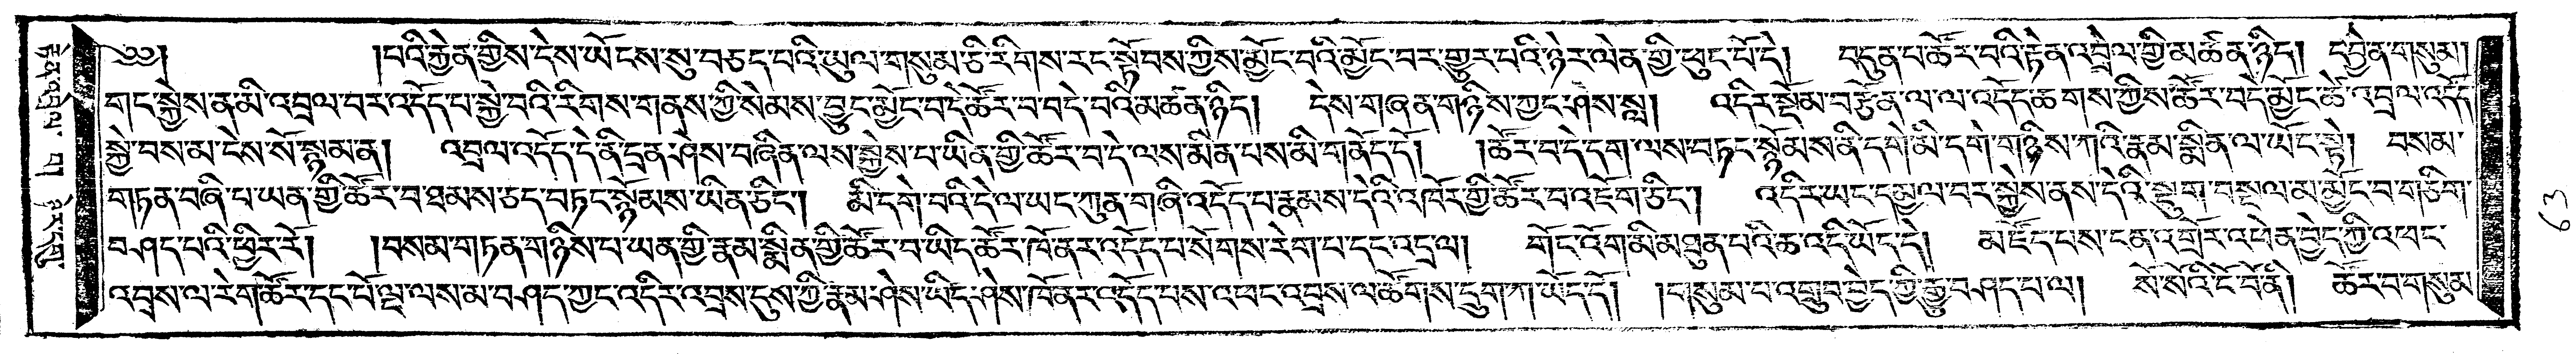༄༅། །པའི་རྐྱེན་གྱིས་དེས་ཡོངས་སུ་བཅད་པའི་ཡུལ་གསུམ་ཅི་རིགས་རང་སྟོབས་ཀྱིས་མྱོང་བའི་མྱོང་བར་གྱུར་བའི་ཉེར་ལེན་གྱི་ཕུང་པོ་དེ། བདུན་པ་ཚོར་བའི་རྟེན་འབྲེལ་གྱི་མཚན་ཉིད། དབྱེན་གསུམ་
གང་སྐྱེས་ན་མི་འབྲེལ་བར་འདོད་པ་སྐྱེ་བའི་རིགས་གནས་ཀྱི་སེམས་བྱུང་མྱོང་བ་དེ་ཚོར་བ་བདེ་བའི་མཚན་ཉིད། དེས་གཞན་གཉིས་ཀྱང་ཤེས་སླ། འདིར་སྡོམ་བརྩོན་ལ་ལ་འདོད་ཆགས་ཀྱིས་ཚོར་བདེ་མྱོང་ཚེ་འབྲལ་འདོད་
སྐྱེ་བསམ་ངེས་སོ་སྙམ་ན། འབྲལ་འདོད་དེ་ནི་དྲན་ཤེས་བཞིན་ལས་སྐྱེས་པ་ཡིན་གྱི་ཚོར་བ་དེ་ལས་མིན་པས་མི་གནོད་དེ། །ཚོར་བ་དེ་དག་ལས་བཏང་སྙོམས་ནི་དགེ་མི་དགེ་གཉིས་ཀའི་རྣམ་སྨིན་ལ་ཡོང་སྟེ། བསམ་
གཏན་བཞི་བ་ཡན་གྱི་ཚོར་བ་ཐམས་ཅད་བཏང་སྙོམས་ཡིན་ཅིང་། མི་དགེ་བའི་དེ་ལ་ཡང་ཀུན་གཞི་འདོད་པ་རྣམས་དེའི་འཁོར་གྱི་ཚོར་བ་འཇོག་ཅིང་། འདིར་ཡང་དམྱལ་བར་སྐྱེས་ནས་དེའི་སྡུག་བསྔལ་མ་མྱོང་བ་གཅིག་
བཤད་པའི་ཕྱིར་རོ། །བསམ་གཏན་གཉིས་པ་ཡན་གྱི་རྣམ་སྨིན་གྱི་ཚོར་བ་ཡིད་ཚོར་ཁོ་ནར་འདོད་པ་སོགས་རེག་པ་དང་འདྲ་ལ། གོང་འོག་མི་མཐུན་པའི་ཆ་འདི་ཡོད་དེ། མཛོད་པས་ངན་འགྲོར་འཕེན་བྱེད་ཀྱི་འཕང་
འབྲས་ལ་རེག་ཚོར་དང་པོ་ལྔ་ལས་མ་བཤད་ཀྱང་འདིར་འབྲས་དུས་ཀྱི་རྣམ་ཤེས་ཡིད་ཤེས་ཁོ་ནར་འདོད་པས་འཕང་འབྲས་ལ་ཚོགས་དྲུག་ཀ་ཡོད་དོ། །གསུམ་པ་འགྲུབ་བྱེད་ཀྱི་རྒྱུ་བཤད་པ་ལ། སོ་སོའི་ངོ་བོ་ནི། ཚོར་བ་གསུམ་